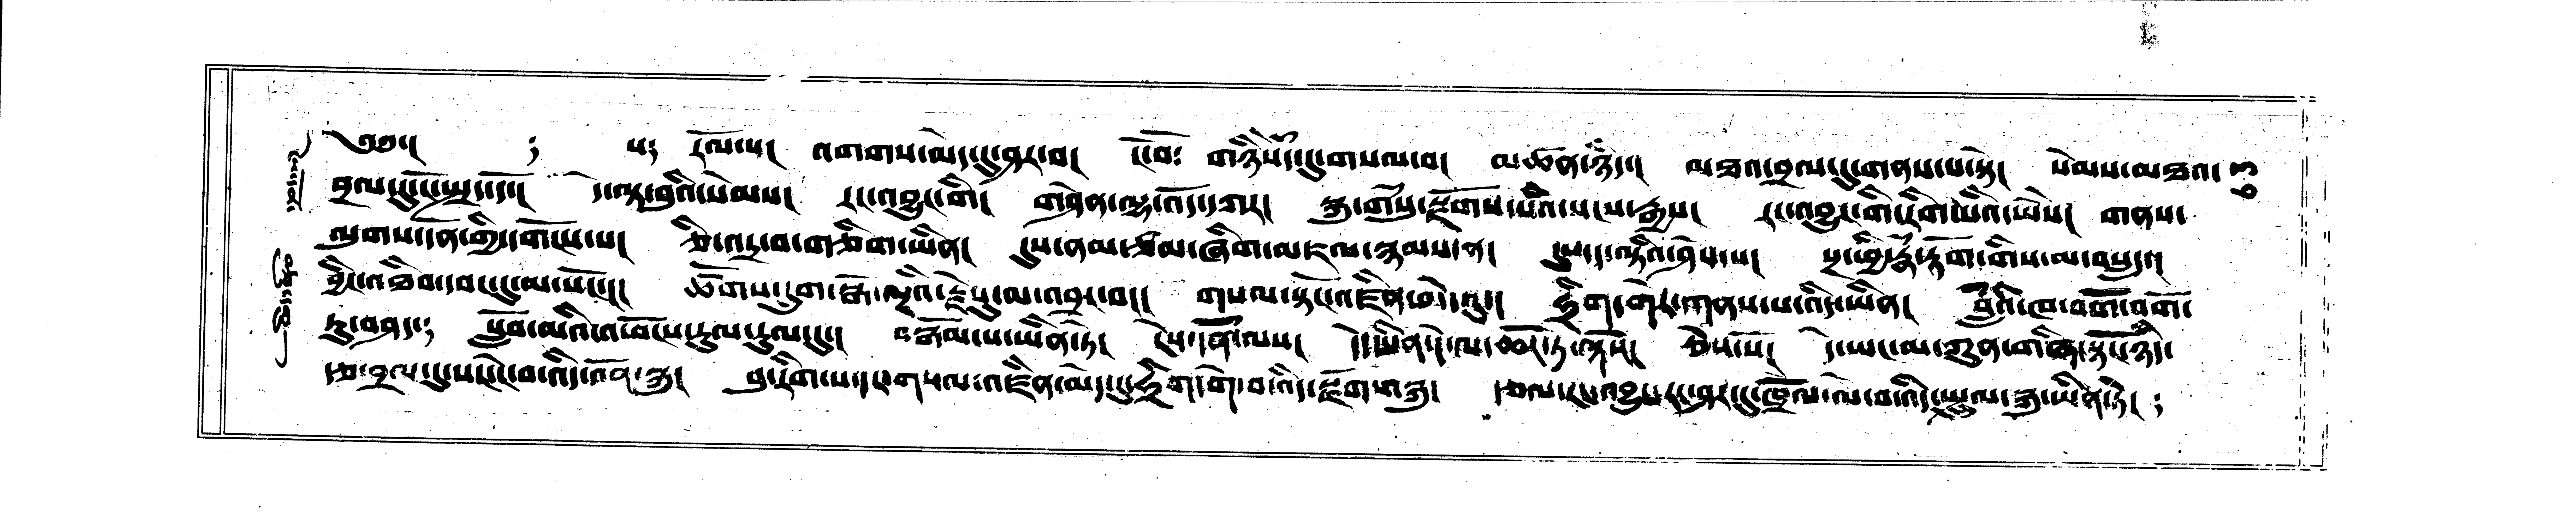པ། རོལ་པ་འགག་མེད་དུ་ཤར་བ། ངོ་བོ་གཉིས་མེད་དུ་གསལ་བ། མཚན་ཉིད་མཐའ་བྲལ་དུ་གནས་པ་སྟེ། སེམས་མཐའ་
བྲལ་དུ་ངོ་སྤྲད་དོ། །དེ་ལྟ་བུའི་སེམས་རང་བྱུང་གི་གཤེན་ལྷ་འོད་དཀར། སྐུ་གསུམ་རྫོགས་པའི་སངས་རྒྱས། རང་བྱུང་གི་རིག་པའི་ཤེས་ཤེས། གནས་
ལུགས་དོན་གྱི་དགོངས་པ། ཅི་འདྲ་བ་གཅིག་ཡིན། དུས་ནམ་ཞིག་ཙམ་མཇལ་སྙམ་ན། དུས་ད་ལྟའི་ཤེས་པ། སྔ་ཕྱི་རྣམ་རྟོག་གིས་མ་བསླད།
 བྱིངས་འཐིབས་དབང་དུ་མ་སོང་། ཚོགས་དྲུག་སྒོ་ལྔའི་རྗེས་སུ་མ་འབྲང་བ། གསལ་སྟོང་འཛིན་མེད་དུ། ཧྲིག་གེར་གནས་པ་འདི་ཡིན། བླ་མའི་ཁ་བགོ་བགོ་
རུ་བཤད། སློབ་མའི་འཕོངས་རུལ་རུལ་དུ་བསྒོམས་པ་ཡིན་ཏེ། ངེས་དོན་ལས་དེ་ཡིན་དེ་ལ་ཆོར་ཏེ་ལྟོས། ཅེས་སོ། །དེ་ཡང་མ་ཀུན་གཞི་སྟོང་ཉིད་
རྩ་བྲལ་དུ་སང་ངེ་བ་འདི་བོན་སྐུ། བུ་རིག་པ་རང་གསལ་འཛིན་མེད་དུ་ཧྲིག་གེ་བ་འདི་རྫོགས་སྐུ། རྩལ་རང་བྱུང་རང་ཤར་དུ་ཁྲོལ་ལེ་བ་འདི་སྤྲུལ་སྐུ་ཡིན་ཏེ།